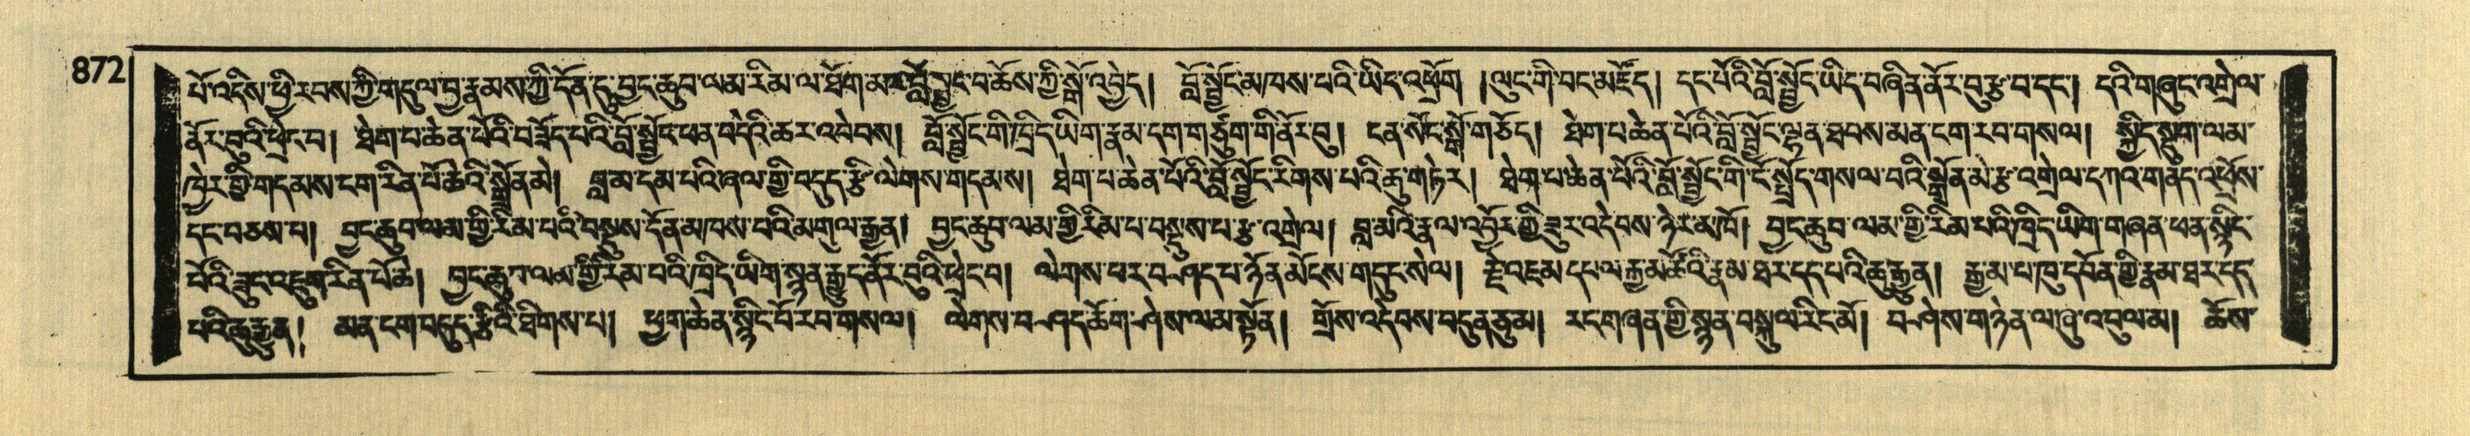པོ་འདིས་ཕྱི་རབས་ཀྱི་གདུལ་བྱ་རྣམས་ཀྱི་དོན་དུ་བྱང་ཆུབ་ལམ་རིམ་ལ་ཐོག་མར་བློ་སྦྱང་བ་ཆོས་ཀྱི་སྒོ་འབྱེད། བློ་སྦྱོང་མཁས་པའི་ཡིད་འཕྲོག །ལུང་གི་བང་མཛོད། དང་པོའི་བློ་སྦྱོང་ཡིད་བཞིན་ནོར་བུ་རྩ་བ་དང་། དའི་གཞུང་འགྲེལ་
ནོར་བུའི་ཕྲེང་བ། ཐེག་པ་ཆེན་པོའི་བཟོད་པའི་བློ་སྦྱོང་ཕན་བདེའི་ཆར་འབེབས། བློ་སྦྱོང་གི་ཁྲིད་ཡིག་རྣམ་དག་གཙུག་གི་ནོར་བུ། ངན་སོང་སྒོ་གཅོད། ཐེག་པ་ཆེན་པོའི་བློ་སྦྱོང་ལྷན་ཐབས་མན་ངག་རབ་གསལ། སྐྱིད་སྡུག་ལམ་
ཁྱེར་གྱི་གདམས་ངག་རིན་པོ་ཆེའི་སྒྲོན་མེ། བླ་མ་དམ་པའི་ཞལ་གྱི་བདུད་རྩི་ལེགས་གདམས། ཐེག་པ་ཆེན་པོའི་བློ་སྦྱོང་རིགས་པའི་རྒུ་གཏེར། ཐེག་པ་ཆེན་པོའི་བློ་སྦྱོང་གི་ངོ་སྤྲོད་གསལ་བའི་སྒྲོན་མེ་རྩ་འགྲེལ་དཀའ་གནད་འཕྲོས་
དང་བཅས་པ། བྱང་ཆུབ་ལམ་གྱི་རིམ་པའི་བསྡུས་དོན་མཁས་པའི་མགུལ་རྒྱན། བྱང་ཆུབ་ལམ་གྱི་རིམ་པ་བསྡུས་པ་རྩ་འགྲེལ། བླ་མའི་རྣལ་འབྱོར་གྱི་ཟུར་འདེབས་ཉེར་མཁོ། བྱང་ཆུབ་ལམ་གྱི་རིམ་པའི་ཁྲིད་ཡིག་གཞན་ཕན་སྙིང་
པོའི་ཟུང་འཇུག་རིན་པོ་ཆེ། བྱང་ཆུབ་ལམ་གྱི་རིམ་བའི་ཁྲིད་ཡིག་སྙན་རྒྱུད་ནོར་བུའི་ཕྲེང་བ། ལེགས་པར་བཤད་པ་ཉོན་མོངས་གདུང་སེལ། རྗེ་འཇམ་དཔལ་རྒྱ་མཚོའི་རྣམ་ཐར་དད་པའི་ཆུ་རྒྱུན། རྒྱ་མ་པ་ཁུ་དབོན་གྱི་རྣམ་ཐར་དད་
པའི་ཆུ་རྒྱུན། མན་ངག་བདུད་རྩིའི་ཐིགས་པ། ཕྱག་ཆེན་སྙིང་པོ་རབ་གསལ། ལེགས་བཤད་ཆོག་ཤེས་ལམ་སྟོན། གྲོས་འདེབས་བདུན་ཅུམ། རང་གཞན་གྱི་སྙན་བསྐུལ་རིང་པོ། བཤེས་གཉེན་ལ་ཞུ་འབུལ་མ། ཆོས་